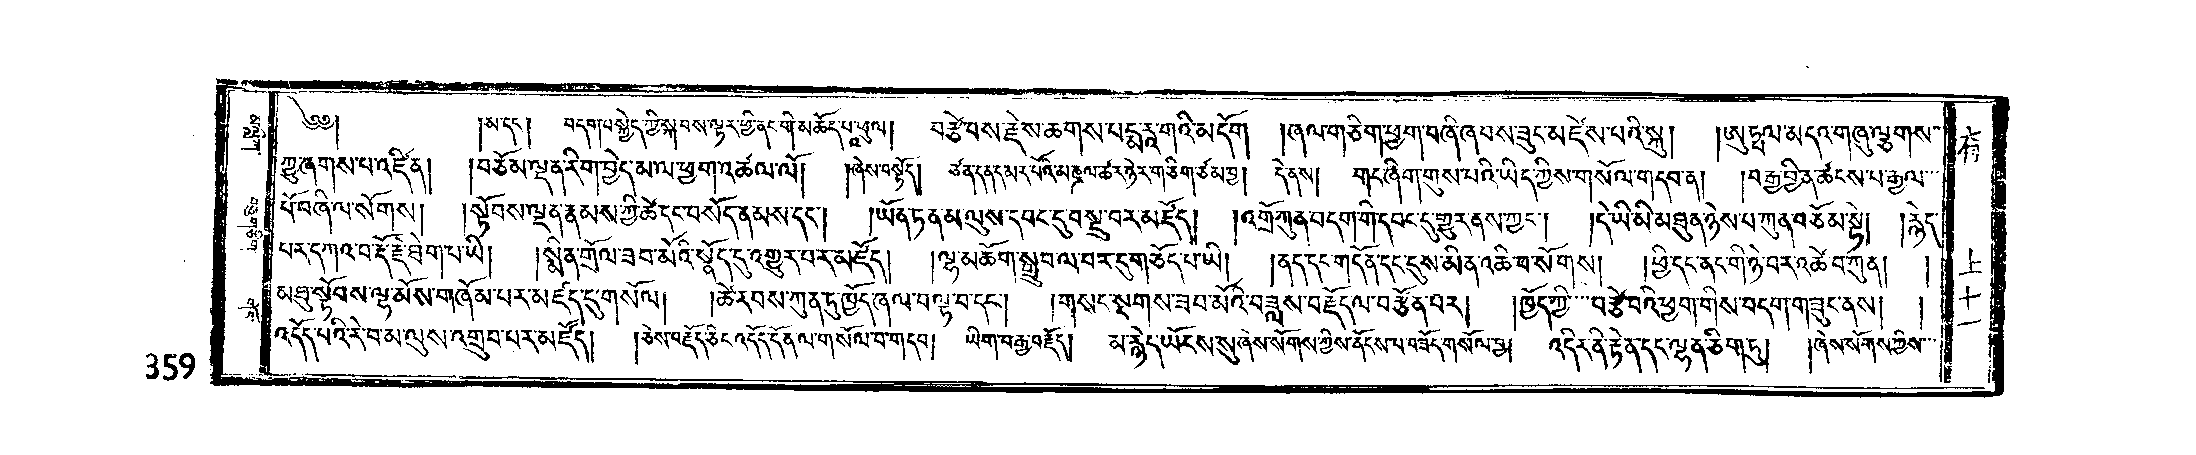༄༅། །མ་དང་། བདག་བསྐྱེད་ཀྱི་སྐབས་ལྟར་ཕྱི་ནང་གི་མཆོད་པ་འཕུལ། བརྩེ་བས་རྗེས་ཆགས་པདམ་རཱ་གའི་མདོག །ཞལ་གཅིག་ཕྱག་བཞི་ཞབས་ཟུང་མཛེས་པའི་སྐུ། །ཨུཏྤལ་མདའ་གཞུ་ལྕགས་
ཀྱུ་ཞགས་པ་འཛིན། །བཅོམ་ལྡན་རིག་བྱེད་མ་ལ་ཕྱག་འཚལ་ལོ། །ཞེས་བསྟོད། ཙན་དན་དམར་པོའི་མཎྜལ་ཚར་ཉེར་གཅིག་ཙམ་བྱ། དེ་ནས། གང་ཞིག་གུས་པའི་ཡིད་ཀྱིས་གསོལ་གདབ་ན། །བརྒྱ་བྱིན་ཚངས་པ་རྒྱལ་
པོ་བཞི་ལ་སོགས། །སྟོབས་ལྡན་རྣམས་ཀྱི་ཚེ་དང་བསོད་ནམས་དང་། །ཡོན་ཏན་མ་ལུས་དབང་དུ་བསྡུ་བར་མཛོད། །འགྲོ་ཀུན་བདག་གི་དབང་དུ་གྱུར་ནས་ཀྱང་། །དེ་ཡི་མི་མཐུན་ཉེས་པ་ཀུན་བཅོམ་སྟེ། །རྙེད་
པར་དཀའ་བ་རྡོ་རྗེ་ཐེག་པ་ཡི། །སྨིན་གྲོལ་ཟབ་མོའི་སྣོད་དུ་འགྱུར་བར་མཛོད། །ལྷ་མཆོག་སྒྲུབ་ལ་བར་དུ་གཅོད་པ་ཡི། །ནད་དང་གདོན་དང་དུས་མིན་འཆི་བ་སོགས། །ཕྱི་དང་ནང་གི་ཉེ་བར་འཚེ་བ་ཀུན། །
མཐུ་སྟོབས་ལྷ་མོས་གཞོམ་པར་མཛད་དུ་གསོལ། །ཚེ་རབས་ཀུན་ཏུ་ཁྱོད་ཞལ་བལྟ་བ་དང་། །གསང་སྔགས་ཟབ་མོའི་བཟླས་བརྗོད་ལ་བརྩོན་པར། །ཁྱོད་ཀྱི་བརྩེ་བའི་ཕྱག་གིས་བདག་གཟུང་ནས། །
འདོད་པའི་རེ་བ་མ་ལུས་འགྲུབ་པར་མཛོད། །ཅེས་བརྗོད་ཅིང་འདོད་དོན་ལ་གསོལ་བ་གདབ། ཡིག་བརྒྱ་བརྗོད། མ་རྙེད་ཡོངས་སུ་ཞེས་སོགས་ཀྱིས་ནོངས་པ་བཟོད་གསོལ་བྱ། འདིར་ནི་རྟེན་དང་ལྷན་ཅིག་ཏུ། །ཞེས་སོགས་ཀྱིས་